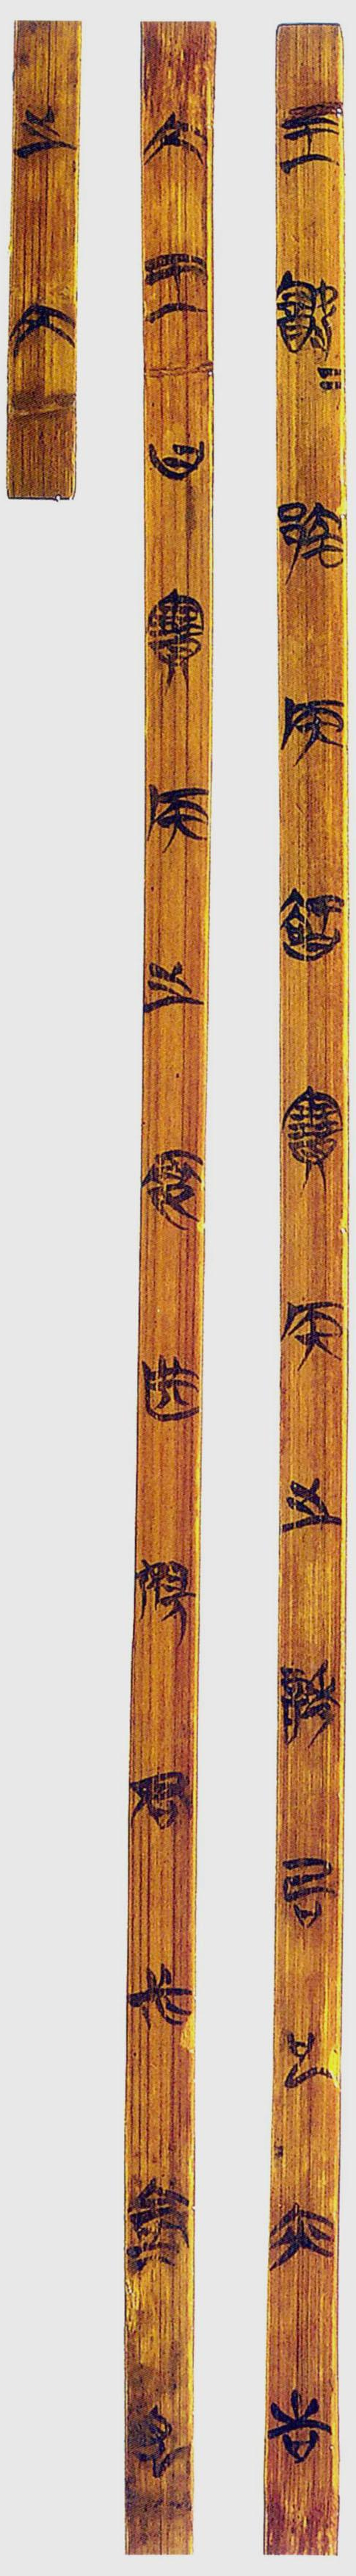王酓欠=○（蔡）侯智賽侯之誘{己口}也亦告文王曰賽侯之妻甚{女𡵂}君必命見之文
